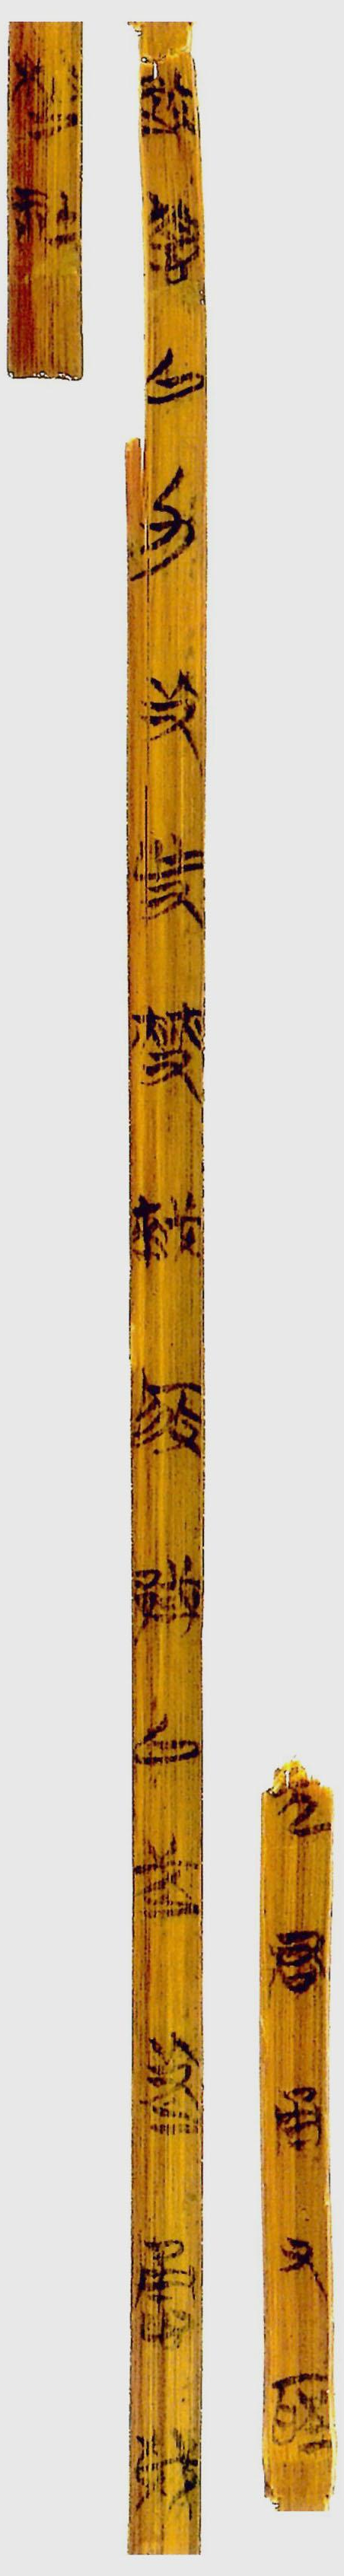元君甬又聖政惪㠯（以）力及拃（作）{火火又}{戈戈}{戶攴}（啟）{或阝}㠯（以）武{及止}恿{爻戈}{相止}社
